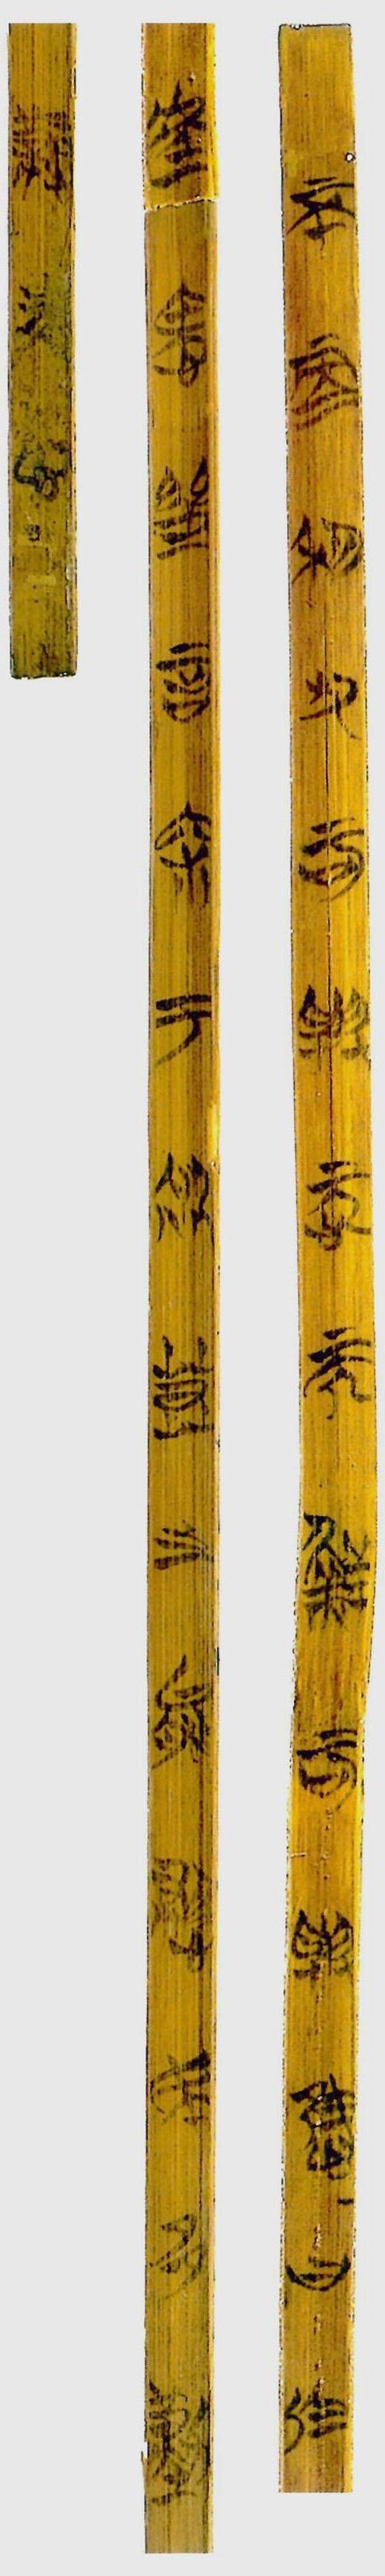不再利屯可與{元心}而鮮可與惟曰於𫊟（吾）畏𪪋（哉）言罙于𣶒莫之能惻民多勤戁我心
